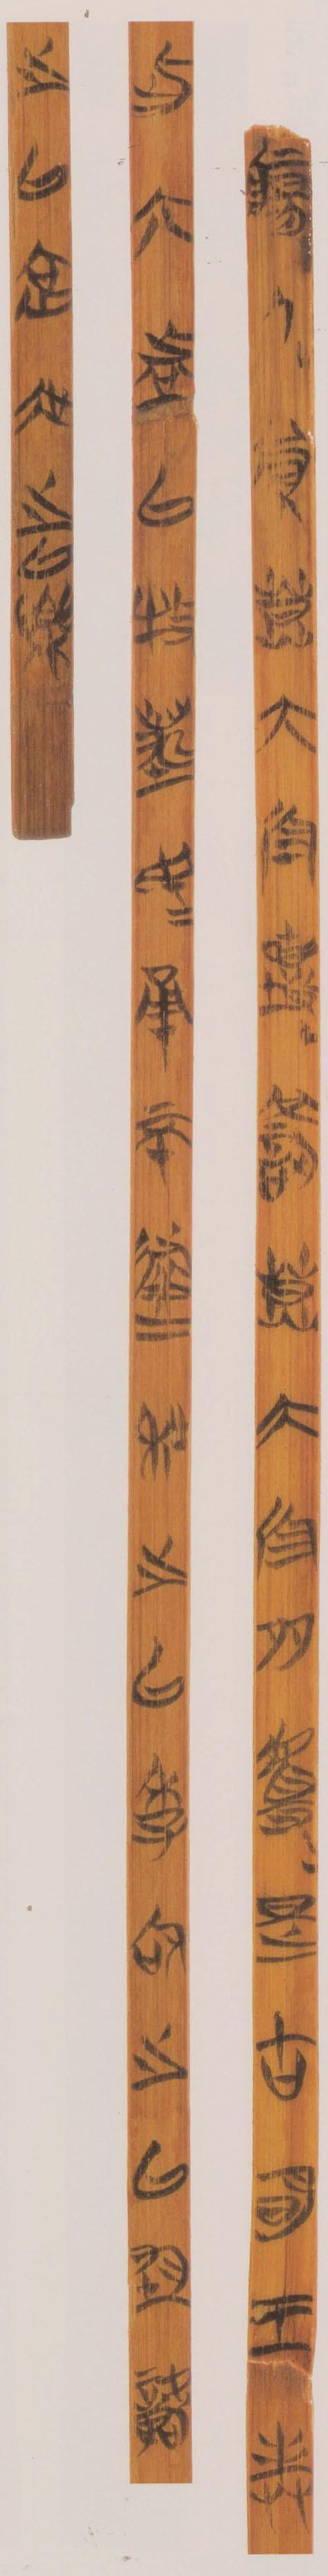瘍人賞莫大於壤罰莫大於多虘B是古明王奉此六者㠯（以）牧{萬土}民=甬不{辶止㚔}{禾亡}之㠯（以）季和之㠯（以）均{章欠口}之㠯（以）哀吳之㠯（以）樂
